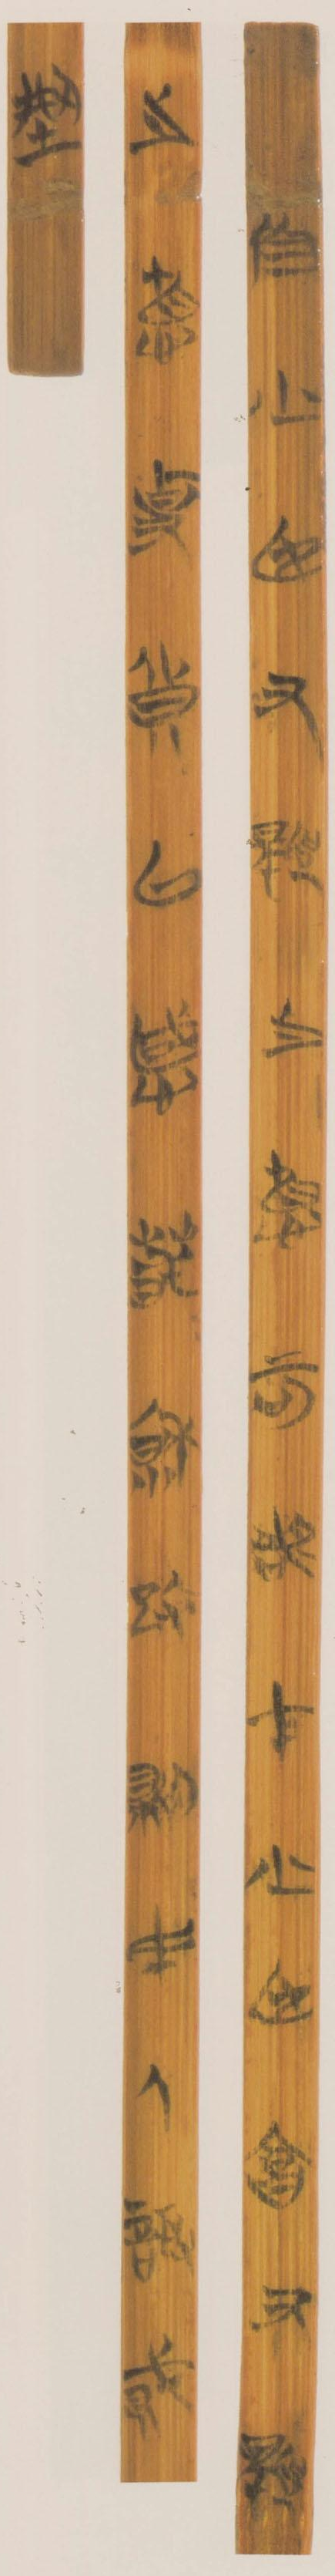於少臣又{日虫頁}之惪可若才少臣合又{日虫頁}之惪史貨㠯（以）惑萅{炅禾}改則民人諏貣型
